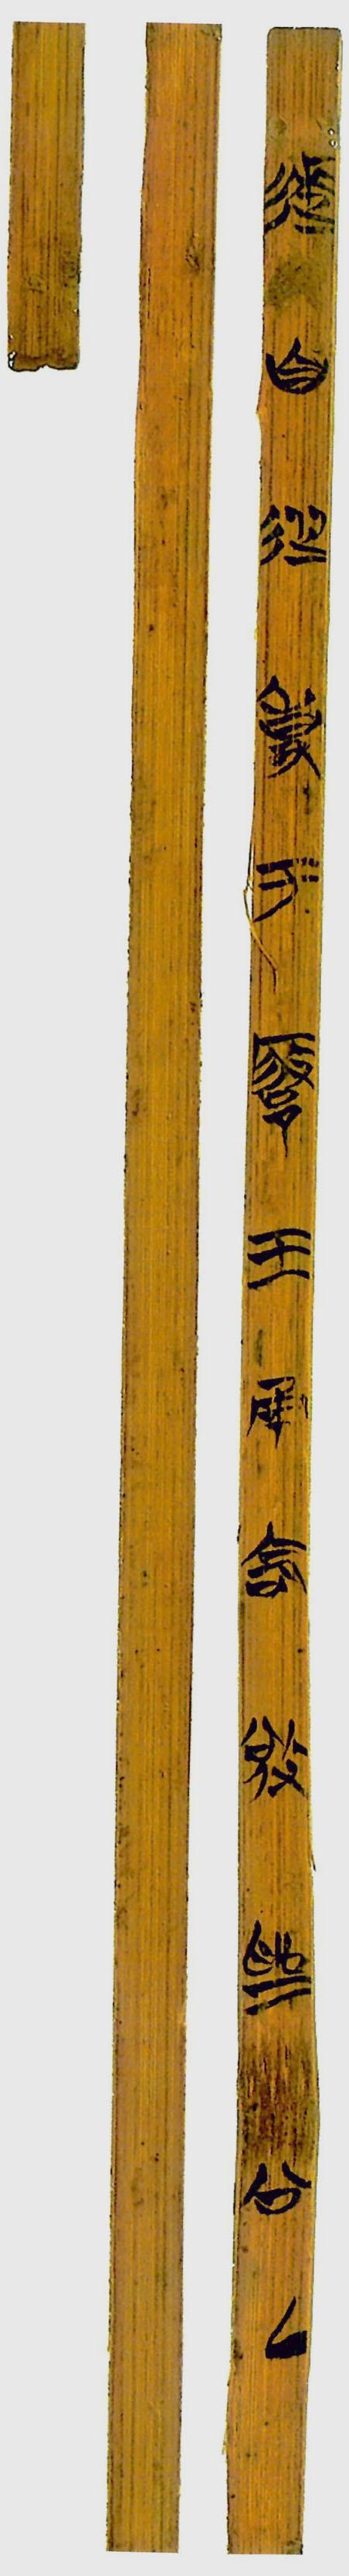逨（來）自從事于{殷邑}（殷）王甬命敓（說）爲公
